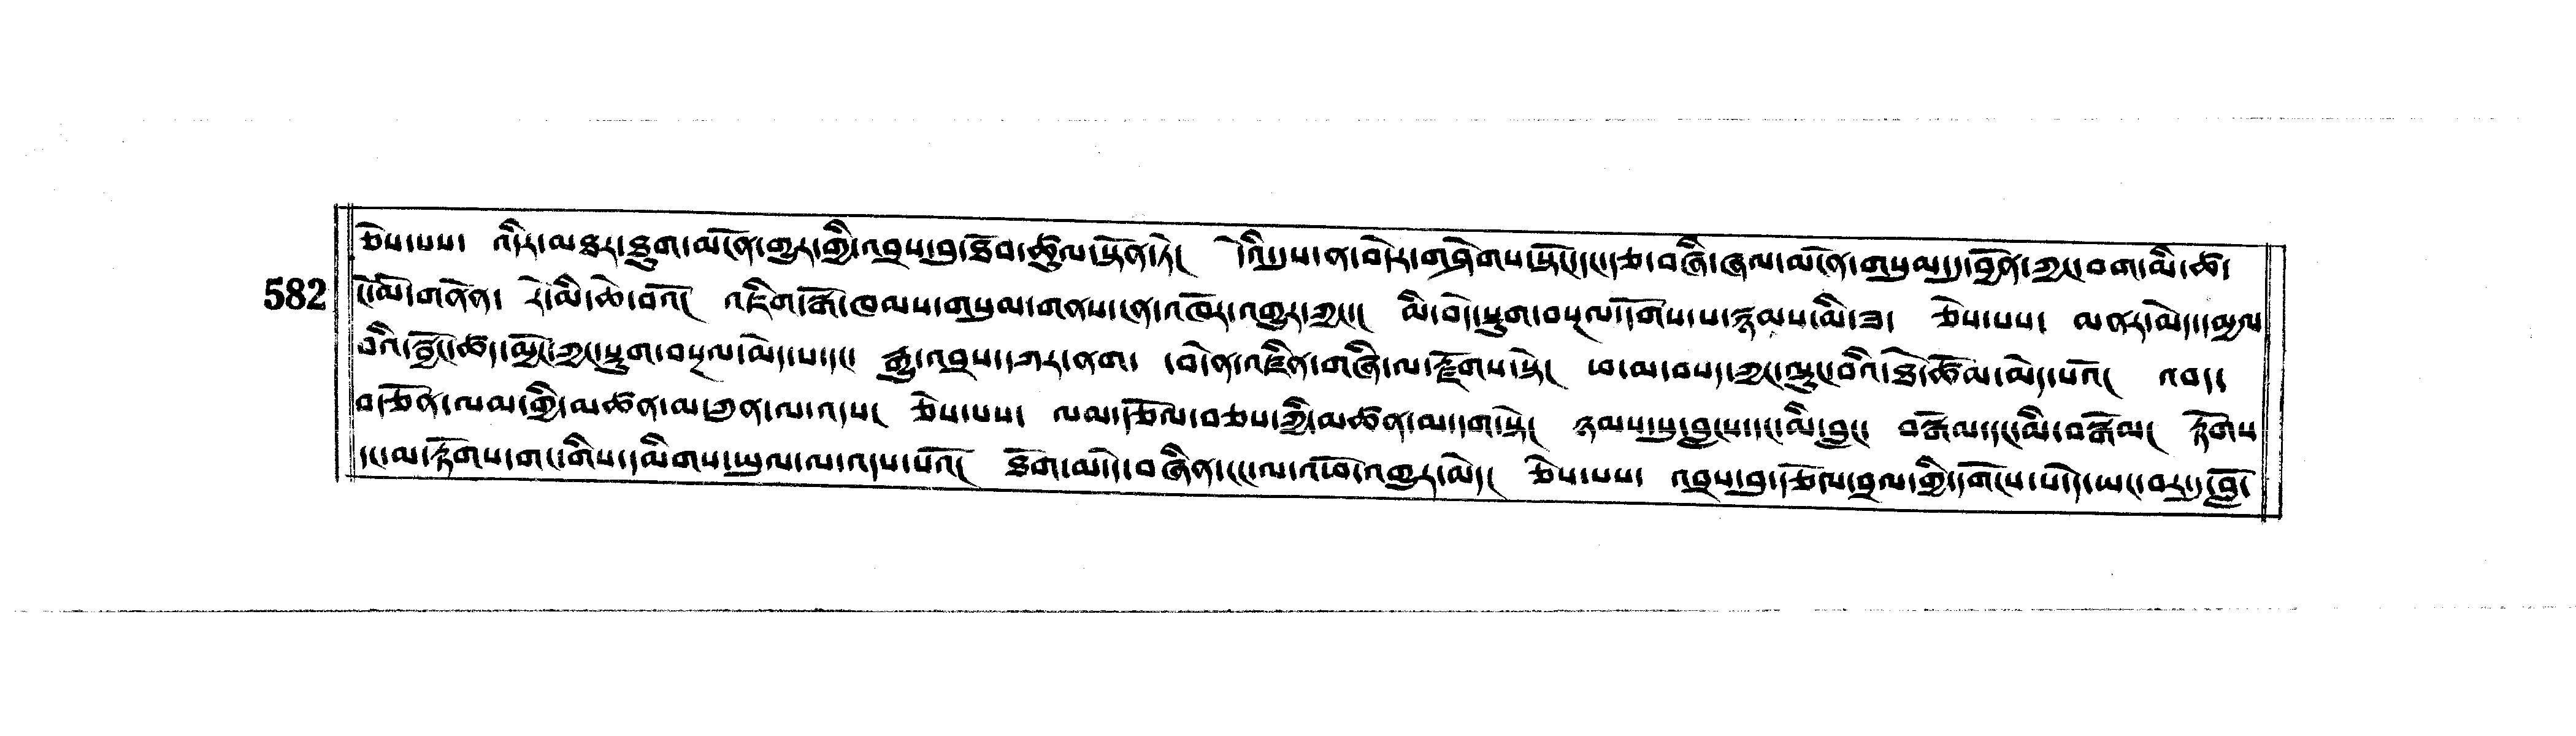ཅེས་པས། འདིར་མཐར་ཐུག་མངོན་གྱུར་གྱི་འབྲས་བུ་ཐོབ་ཚུལ་སྟོན་ཏེ། དེའི་དུས་ན་བདེར་གཤེགས་སྟོང་དང་རྩ་བཞི་ཞལ་མངོན་སུམ་དུ་བྱོན་ཀྱང་བག་མི་ཚ་
ངོ་མི་གནོང་། རེ་མི་ཆེ་བའོ། འཇིག་སྒོ་ཁམས་གསུམ་གནས་ངན་འཁོར་གྱུར་ཀྱང་། མི་བདེ་སྡུག་བསྔལ་དྭོགས་པ་སྙམ་མི་ཟ། ཅེས་པས། མནར་མེད་དམྱལ་
བའི་སྦྱོང་ཚད་མྱོང་ཀྱང་སྡུག་བསྔལ་མེད་པ་དང་། རྒྱུ་འབྲས་དཀར་ནག་བདེན་འཛིན་གཞི་ལ་རྫོགས་ཏེ། ཕ་མ་བསད་ཀྱང་ལྟུང་བའི་ཐེ་ཚོམ་མེད་པའོ། འབད་
བརྩོན་ལམ་གྱི་མཚན་མ་ཀུན་ལས་འདས། ཅེས་པས། ལམ་རྩོལ་བཅས་ཀྱི་མཚན་མ་དག་སྟེ། ཉམས་སུ་བླང་དང་མི་བླང་། བསྒོམ་དང་མི་བསྒོམ། རྟོགས་
དང་མ་རྟོགས་གང་གིས་དམིགས་ཡུལ་ལས་འདས་པའོ། ཐོག་མ་དེ་བཞིན་ངང་ལ་འཕོ་འགྱུར་མེད། ཅེས་པས། འབྲས་བུ་རྩོལ་བྲལ་གྱི་དགོངས་པ་དེ་ཡང་བར་དུ་བློ་